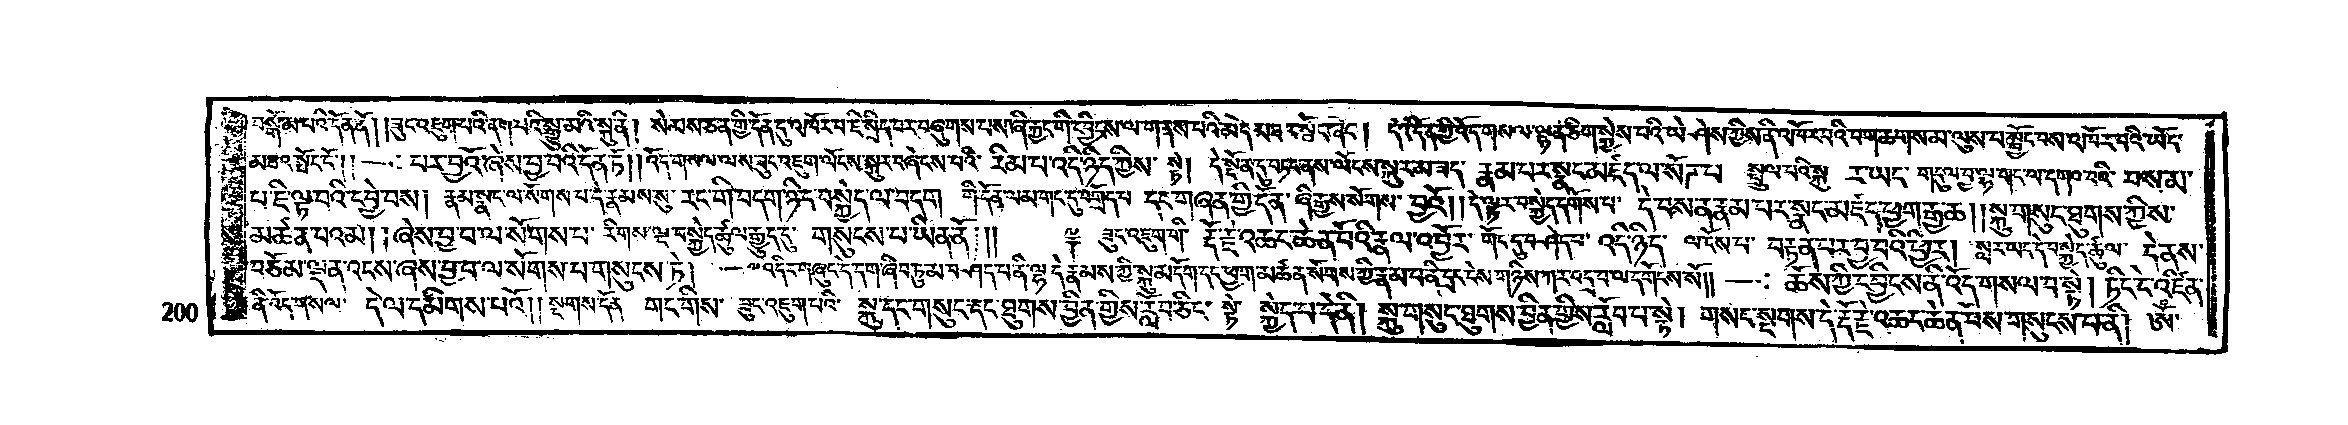བསྒོམ་པའི་དོན་ནི། །ཟུང་འཇུག་པའི་དག་པའི་སྒྱུ་མའི་སྐུ་ནི། སེམས་ཅན་གྱི་དོན་དུ་འཁོར་བ་ཇི་སྲིད་བར་བཞུགས་པས་ཞི་རྐྱང་གི་དབྱིངས་ལ་གནས་པའི་མེད་མཐའ་སྤོང་ཞིང་། དེའི་དོན་གྱི་འོད་གསལ་ལྷན་ཅིག་སྐྱེས་པའི་ཡེ་ཤེས་ཀྱིས་ནི་འཁོར་བའི་བག་ཆགས་མ་ལུས་པ་སྦྱོང་བས་འཁོར་བའི་ཡོད་
མཐའ་སྤོང་ངོ།། པར་བྱའོ་ཞེས་བྱ་བའི་དོན་ཏོ། ། འོད་གསལ་ལས་ཟུང་འཇུག་ལོངས་སྐུར་བཞེངས་པའི་རིམ་པ་འདི་ཉིད་ཀྱིས་སྟེ། དེ་སྔོན་དུ་བཏང་ནས་ལོངས་སྐུར་མ་ཟད་རྣམ་པར་སྣང་མཛད་ལ་སོགས་པ་སྤྲུལ་པའི་སྐུ་ར་ཡང་གདུལ་བྱ་ལྷ་གང་ལ་དགའ་བའི་བསམ་
པ་ཇི་ལྟ་བའི་དབྱེ་བས། རྣམ་སྣང་ལ་སོགས་པ་དེ་རྣམས་སུ་རང་གི་བདག་ཉིད་བསྐྱེད་ལ་བདག་གི་དོན་ལམ་གང་དུ་བགྲོད་པ་དང་གཞན་གྱི་དོན་ཞི་རྒྱས་སོགས་བྱའོ། ། དེ་ལྟར་བསྐྱེད་དགོས་པ་དེ་བས་ན་རྣམ་པར་སྣང་མཛད་ཕྱག་རྒྱ་ཆ། །སྐུ་གསུང་ཐུགས་ཀྱིས་
མཚན་པའམ། །ཞེས་བྱ་བ་ལ་སོགས་པ་རིགས་ལྔ་བསྐྱེད་ཚུལ་རྒྱུད་དུ་གསུངས་པ་ཡིན་ནོ།། ༈ ཟུང་འཇུག་གི་རྡོ་རྗེ་འཆང་ཆེན་པོའི་རྣལ་འབྱོར་གོང་དུ་བཤད་པ་འདི་ཉིད་ལ་ངེས་པ་བརྟན་པར་བྱ་བའི་ཕྱིར། སླར་ཡང་དེ་བསྐྱེད་ཚུལ་དེ་ནས་
བཅོམ་ལྡན་འདས་ཞེས་བྱ་བ་ལ་སོགས་པ་གསུངས་ཏེ། ༧འདིར་གཞུང་དེ་དག་ཞིབ་ཏུ་མ་བཤད་པ་ནི་ལྷ་དེ་རྣམས་ཀྱི་སྐུ་མདོག་དང་ཕྱག་མཚན་སོགས་ཀྱི་རྣམ་པ་ནི་དྲང་ངེས་གཉིས་ཀར་འདྲ་བ་ལ་དགོངས་སོ།།  ཆོས་ཀྱི་དབྱིངས་ནི་འོད་གསལ་བ་སྟེ། ཏིང་ངེ་འཛིན་
ནི་འོད་གསལ་དེ་ལ་དམིགས་པའོ།། སྔགས་དོན་གང་གིས་ཟུང་འཇུག་པའི་སྐུ་དང་གསུང་དང་ཐུགས་བྱིན་གྱིས་རློབ་ཅིང་སྟེ་སྐྱེད་པ་དེ་ནི། སྐུ་གསུང་ཐུགས་བྱིན་གྱིས་རློབ་པ་སྟེ། གསང་སྔགས་དེ་རྡོ་རྗེ་འཆང་ཆེན་པོས་གསུངས་པ་ནི། ཨོཾ་